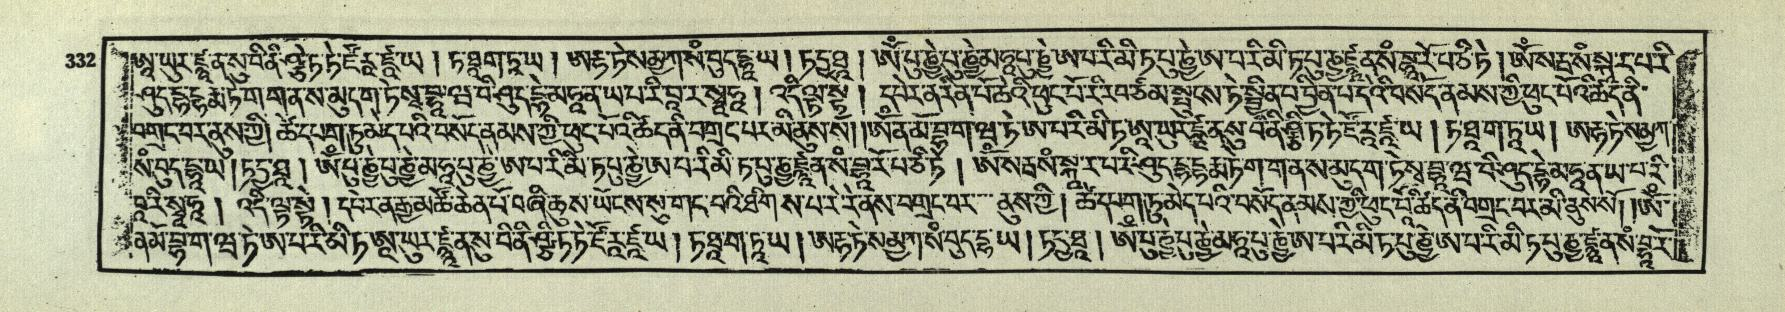ཨཱ་ཡུར་ཛྙཱ་ན་སུ་བི་ནི་ཤྩི་ཏ་ཏེ་ཛོ་རཱ་ཛཱ་ཡ། ཏ་ཐཱ་ག་ཏཱ་ཡ། ཨརྷ་ཏེ་སམྱཀ་སཾ་བུད་དྷཱ་ཡ། ཏདྱ་ཐཱ། ཨོཾ་པུ་ཎྱེ་པུ་ཎྱེ་མཧཱ་པུ་ཎྱེ་ཨ་པ་རི་མི་ཏ་པུ་ཎྱེ་ཨ་པ་རི་མི་ཏ་པུ་ཎྱ་ཛྙཱ་ན་སཾ་བྷཱ་རོ་པ་ཙི་ཏེ། ཨོཾ་སརྦ་སཾ་སྐཱ་ར་པ་རི་
ཤུད་དྷ་དྷརྨ་ཏེ་ག་ག་ན་ས་མུད་ག་ཏེ་སྭ་བྷཱ་ཝ་བི་ཤུ་ད་བྷེ་མཧཱ་ན་ཡ་པ་རི་བཱ་ར་སྭཱཧཱ། འདི་ལྟ་སྟེ། དཔེར་ན་རིན་པོ་ཆེའི་ཕུང་པོ་རི་རབ་ཙམ་སྤུངས་ཏེ་སྦྱིན་པ་བྱིན་པ་དེའི་བསོད་ནམས་ཀྱི་ཕུང་པོའི་ཚད་ནི་
བགྲང་བར་ནུས་ཀྱི། ཚེ་དཔག་ཏུ་མེད་པའི་བསོད་ནམས་ཀྱི་ཕུང་པོའི་ཚད་ནི་བགྲང་པར་མི་ནུས་སོ། །ཨོཾ་ན་མོ་བྷ་ག་ཝ་ཏེ་ཨ་པ་རི་མི་ཏ་ཨཱ་ཡུར་ཛྙཱ་ན་སུ་བི་ནི་ཤྩི་ཏ་ཏེ་ཛོ་རཱ་ཛཱ་ཡ། ཏ་ཐཱ་ག་ཏཱ་ཡ། ཨརྷ་ཏེ་སམྱཀ་
སཾ་བུད་དྷཱ་ཡ། ཏདྱ་ཐཱ། ཨོཾ་པུ་ཎྱེ་པུ་ཎྱེ་མཧཱ་པུ་ཎྱེ་ཨ་པ་རི་མི་ཏ་པུ་ཎྱེ་ཨ་པ་རི་མི་ཏ་པུ་ཎྱ་ཛྙཱ་ན་སཾ་བྷཱ་རོ་པ་ཙི་ཏེ། ཨོཾ་སརྦ་སཾ་སྐཱ་ར་པ་རི་ཤུད་དྷ་དྷརྨ་ཏེ་ག་ག་ན་ས་མུད་ག་ཏེ་སྭ་བྷཱ་ཝ་བི་ཤུད་དྷེ་མཧཱ་ན་ཡ་པ་རི་
བཱ་རི་སྭཱ་ཧཱ། འདི་ལྟ་སྟེ། དཔེར་ན་རྒྱ་མཚོ་ཆེན་པོ་བཞི་ཆུས་ཡོངས་སུ་གང་བའི་ཐིག་ས་པ་རེ་རེ་ནས་བགྲང་བར་ནུས་ཀྱི། ཚེ་དཔག་ཏུ་མེད་པའི་བསོད་ནམས་ཀྱི་ཕུང་པོའི་ཚད་ནི་བགྲང་བར་མི་ནུས་སོ། །ཨོཾ་
ན་མོ་བྷ་ག་ཝ་ཏེ་ཨ་པ་རི་མི་ཏ་ཨཱ་ཡུར་ཛྙཱ་ན་སུ་བི་ནི་ཤྩི་ཏ་ཏེ་ཛོ་རཱ་ཛཱ་ཡ། ཏ་ཐཱ་ག་ཏཱ་ཡ། ཨརྷ་ཏེ་སྨྱཀ་སཾ་བུད་དྷ་ཡ། ཏདྱ་ཐཱ། ཨོཾ་པུ་ཎྱེ་པུ་ཎྱེ་མྷཱ་པུ་ཎྱེ་ཨ་པ་རི་མི་ཏ་པུ་ཎྱེ་ཨ་པ་རི་མི་ཏ་པུ་ཛྙཱ་ན་སཾ་བྷཱ་རོ་